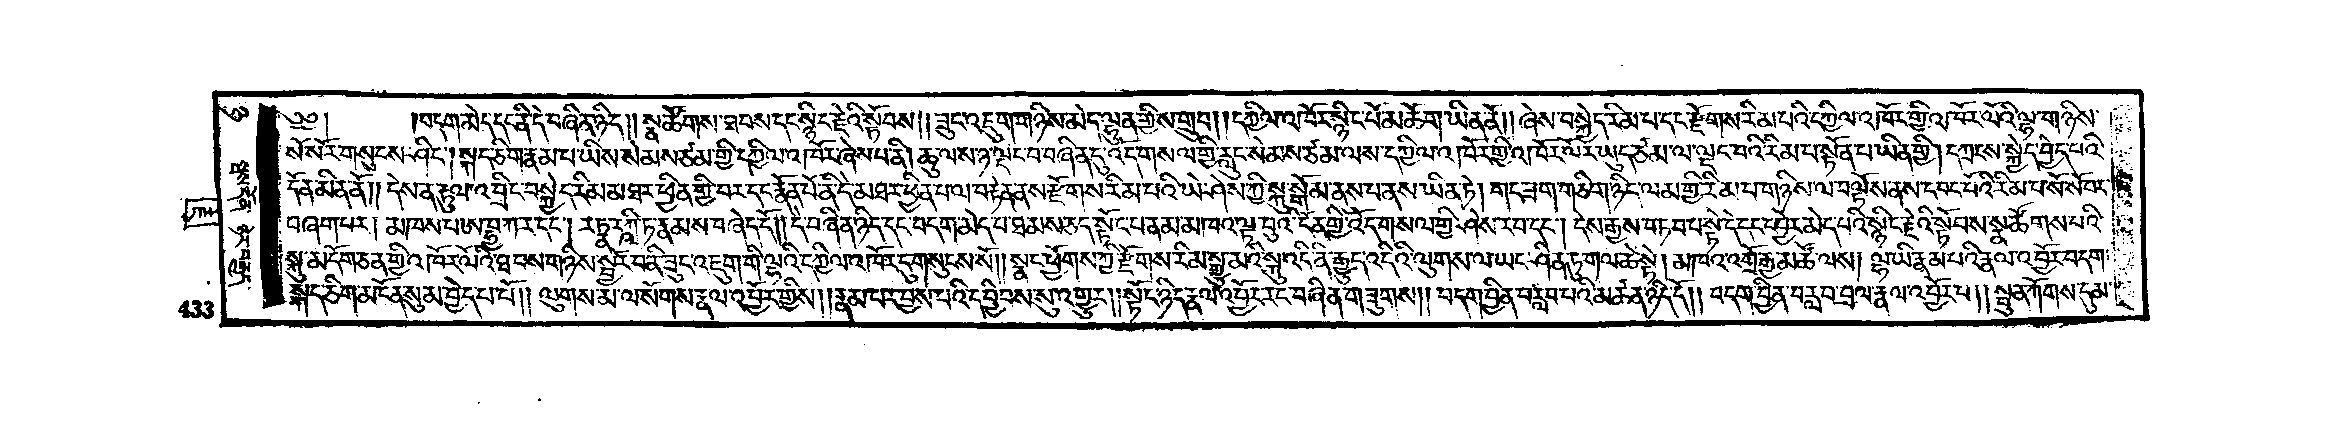༄༅། །བདག་མེད་དང་ནི་དེ་བཞིན་ཉིད། །སྣ་ཚོགས་ཐབས་དང་སྙིང་རྗེའི་སྟོབས། །ཟུང་འཇུག་གཉིས་མེད་ལྷུན་གྱིས་གྲུབ། །དཀྱིལ་འཁོར་སྙིང་པོ་མཆོག་ཡིན་ནོ། །ཞེས་བསྐྱེད་རིམ་པ་དང་རྫོགས་རིམ་པའི་དཀྱིལ་འཁོར་གྱི་འཁོར་ལོའི་ལྷ་གཉིས་
སོ་སོར་གསུངས་ཤིང་། སྐད་ཅིག་རྣམ་པ་ཡིས་སེམས་ཙམ་གྱི་དཀྱིལ་འཁོར་ཞེས་པ་ནི། ཆུ་ལས་ཉ་ལྡང་བ་བཞིན་དུ་འོད་གསལ་གྱི་རླུང་སེམས་ཙམ་ལས་དཀྱིལ་འཁོར་གྱི་འཁོར་ལོར་ཡུད་ཙམ་ལ་ལྡང་བའི་རིམ་པ་སྟོན་པ་ཡིན་གྱི། དཀྲངས་སྐྱེད་བྱེད་པའི་
དོན་མིན་ནོ། །དེས་ན་རྟུལ་འབྲིང་བསྐྱེད་རིམ་མཐར་ཕྱིན་གྱི་བར་དང་རྣོན་པོ་ནི་དེ་མཐར་ཕྱིན་པ་ལ་བརྟེན་ནས་རྫོགས་རིམ་པའི་ཡེ་ཤེས་ཀྱི་སྐུ་སྒོམ་ནུས་པ་ནས་ཡིན་ཏེ། གང་ཟག་གཅིག་ཉིད་ལམ་གྱི་རིམ་པ་གཉིས་ལ་བལྟོས་ནས་དབང་པོའི་རིམ་པ་སོ་སོ་བར་
བཞག་པར། མཁས་པ་ཨ་བྷྱ་ཀ་ར་དང་། རཏྣ་རཀྵི་ཏ་རྣམས་བཞེད་དོ། །དེ་བཞིན་ཉིད་དང་བདག་མེད་པ་ཐམས་ཅད་སྟོང་པ་ནམ་མཁའ་ལྟ་བུའི་དོན་གྱི་འོད་གསལ་གྱི་ཤེས་རབ་དང་། དེས་རྒྱས་བཏབ་པ་སྟེ་དེ་དང་དབྱེར་མེད་པའི་སྙིང་རྗེའི་སྟོབས་སྣ་ཚོགས་པའི་
སྐུ་མདོག་ཅན་གྱི་འཁོར་ལོའི་ཐབས་གཉིས་སྦྱོར་བ་ནི་ཟུང་འཇུག་གི་ལྷའི་དཀྱིལ་འཁོར་དུ་གསུངས་སོ། །སྣང་ཕྱོགས་ཀྱི་རྫོགས་རིམ་སྒྱུ་མའི་སྐུ་འདི་ནི་རྒྱུད་འདིའི་ལུགས་ལ་ཡང་ཤིན་ཏུ་གལ་ཆེ་སྟེ། མཁའ་འགྲོ་རྒྱ་མཚོ་ལས། ལྷ་ཡི་རྣམ་པའི་རྣལ་འབྱོར་བདག །
སྐད་ཅིག་མངོན་སུམ་བྱེད་པ་པོ། །ལུགས་མ་ལ་སོགས་རྣལ་འབྱོར་གྱིས། །རྣམ་པར་བྱས་པའི་དབྱིབས་སུ་འགྱུར། །སྟོང་ཉིད་རྣལ་འབྱོར་རང་བཞིན་གཟུགས། །བདག་བྱིན་བརླབ་པའི་མཚན་ཉིད་དོ། །བདག་བྱིན་བརླབ་བྲལ་རྣལ་འབྱོར་པ། །སྦུ་ན་ཀོགས་དུམ་